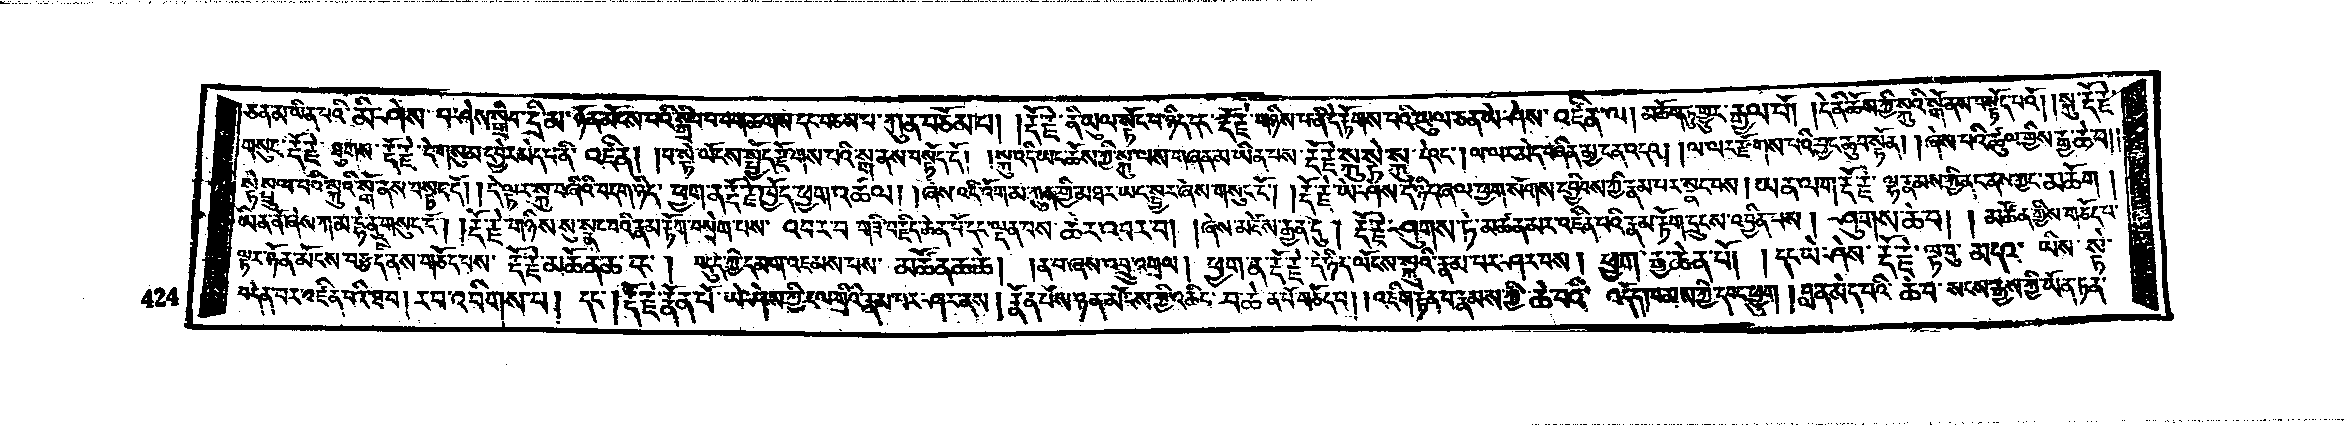ཅན་མ་ཡིན་པའི་མི་ཤེས་པ་ཤེས་སྒྲིབ་དྲི་མ་ཉོན་མོངས་པའི་སྒྲིབ་པ་བག་ཆགས་དང་བཅས་པ་ཀུན་བཅོམ་པ། །རྡོ་རྗེ་ནི་ཡུལ་སྟོང་པ་ཉིད་དང་རྡོ་རྗེ་གཉིས་པ་ནི་དེ་རྟོགས་པའི་ཡུལ་ཅན་ཡེ་ཤེས་འཛིན་ལ། མཆོག་ཏུ་གྱུར་རྒྱལ་པོ། །དེ་ནི་ཆོས་ཀྱི་སྐུའི་སྒོ་ནས་བསྟོད་པའོ། །སྐུ་རྡོ་རྗེ་
གསུང་རྡོ་རྗེ་ཐུགས་རྡོ་རྗེ་དེ་གསུམ་དབྱེར་མེད་པ་ནི་འཛིན། །པ་སྟེ་ལོངས་སྤྱོད་རྫོགས་པའི་སྒོ་ནས་བསྟོད་དོ། །སྐུ་འདི་ཡང་ཆོས་ཀྱི་སྐུ་ལས་གཞན་མ་ཡིན་པས་རྡོ་རྗེ་སྐུ་སྟེ་སྐུ་དེའང་། ལ་ལར་མེད་བཞིན་མྱ་ངན་འདའ། །ལ་ལར་རྫོགས་པའི་བྱང་ཆུབ་སྟོན། །ཞེས་པའི་ཚུལ་གྱིས་རྒྱ་ཆེ་བ། །
སྟེ་སྤྲུལ་པའི་སྐུའི་སྒོ་ནས་བསྟོད་དོ། །དེ་ལྟར་སྐུ་བཞིའི་བདག་ཉིད་ཕྱག་ན་རྡོ་རྗེ་ཁྱོད་ཕྱག་འཚལ། །ཞེས་འདི་འོག་མ་ཀུན་གྱི་མཐར་ཡང་སྦྱར་ཞེས་གསུང་ངོ།  །རྡོ་རྗེ་ཡེ་ཤེས་དེ་ཉིད་ཞལ་ཕྱག་སོགས་དབྱིབས་ཀྱི་རྣམ་པར་སྣང་བས།  ཡན་ལག་རྡོ་རྗེ་ལྷ་རྣམས་ཀྱི་ནང་ནས་ཀྱང་མཆོག །
ཡིན་ནོ་ཞེས་ཀ་མ་དྷེ་ནུ་གསུང་ངོ།  །རྡོ་རྗེ་གཉིས་སུ་སྣང་བའི་རྣམ་རྟོག་བསྲེག་པས་འབར་བ་གཟི་བརྗིད་ཆེན་པོ་དང་ལྡན་པས་ཆེར་འབར་བ། །ཞེས་མཛེས་རྒྱན་དུ།  རྡོ་རྗེ་ཤུགས་ཏེ་མཚན་མར་འཛིན་པའི་རྣམ་རྟོག་དྲུངས་འབྱིན་པས།  ཤུགས་ཆེ་བ། །མཚོན་གྱིས་གཅོད་པ་
ལྟར་ཉོན་མོངས་བརྩད་ནས་གཅོད་པས་རྡོ་རྗེ་མཚོན་ཆ་དང་། བདུད་ཀྱི་དམག་འཇམས་པས་མཚོན་ཆ་ཆེ། །ན་བ་ཞས་འབྲུ་འགྲལ།  ཕྱག་ན་རྡོ་རྗེ་དེ་ཉིད་ལོངས་སྐུའི་རྣམ་པར་ཤར་བས།  ཕྱག་རྒྱ་ཆེན་པོ། །དང་ཡེ་ཤེས་རྡོ་རྗེ་ལྟ་བུ་མདའ་ཡིས་སྟེ་
བདེན་པར་འཛིན་པའི་ཐ་བ།  རབ་འབིགས་པ། དང་།  རྡོ་རྗེ་རྣོན་པོ་ཡེ་ཤེས་ཀྱི་རལ་གྲིའི་རྣམ་པར་ཤར་ནས། རྣོན་པོས་ཉན་མོངས་ཀྱི་འཆིང་བ་ཆེན་པོ་གཅོད་པ། །འཇིག་རྟེན་པ་རྣམས་ཀྱི་ཆེ་བའི་འདོད་ཁམས་ཀྱི་དབང་ཕྱུག །བླ་ན་མེད་པའི་ཆེ་བ་སངས་རྒྱས་ཀྱི་ཡོན་ཏན་